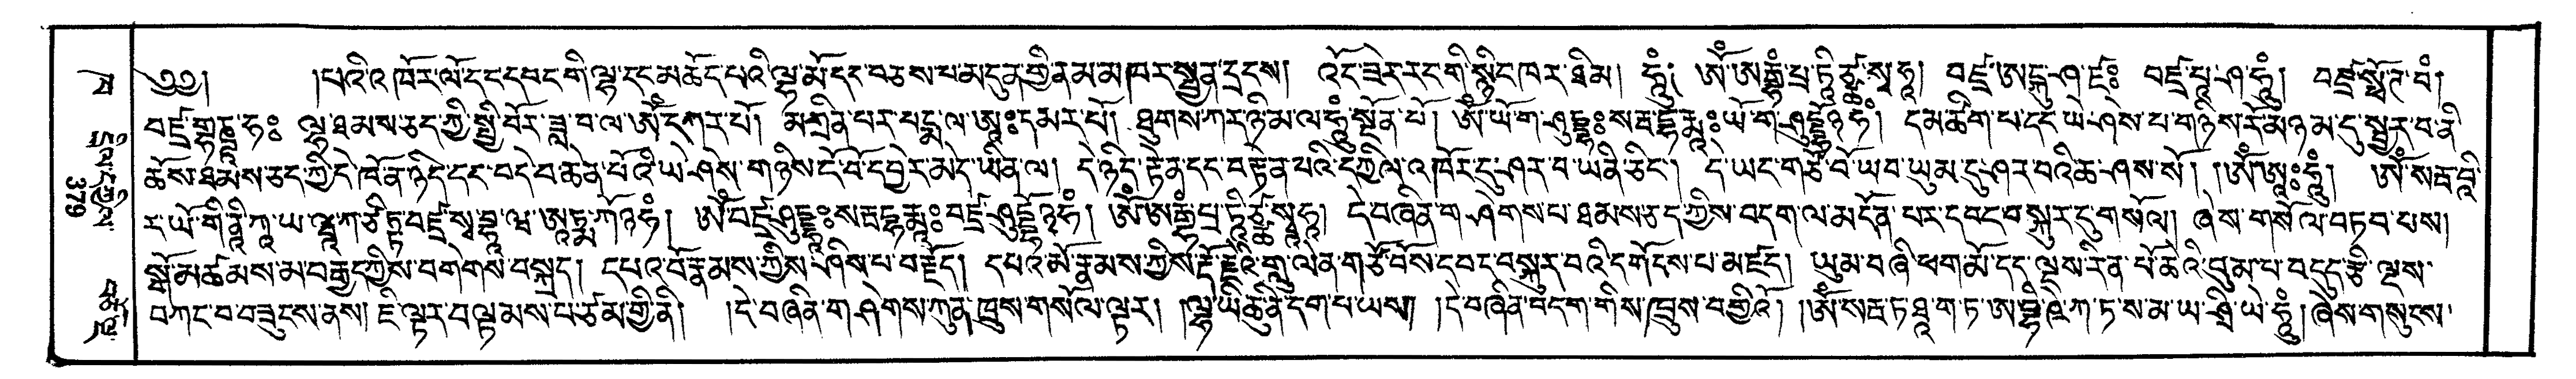༄༅། །པའི་འཁོར་ལོ་དང་དབང་གི་ལྷ་དང་མཆོད་པའི་ལྷ་མོ་དང་བཅས་པ་མདུན་གྱི་ནམ་མཁར་སྦྱན་དྲངས། འོད་ཟེར་རང་གི་སྙིང་ཁར་ཐིམ། ཧཱུཾ། ཨོཾ་ཨརྒྷཾ་པྲ་ཏཱིཙྪ་སྭཱ་ཧཱ། བཛྲ་ཨངྐུ་ཤ་ཛཿ བཛྲ་པཱ་ཤ་ཧཱུཾ། བཛྲ་སྥོ་ཊ་བཾ།
བཛྲ་གྷཎྜ་ཧཿ ལྷ་ཐམས་ཅད་ཀྱི་སྤྱོ་བོར་ཟླ་བ་ལ་ཨོཾ་དཀར་པོ། མགྲིན་བར་པདམ་ལ་ཨཱཿ དམར་པོ། ཐུགས་ཀར་ཉི་མ་ལ་ཧཱུཾ་སྔོན་པོ། ཨོཾ་ཡོག་ཤུདྡྷཿ སརྦ་དྷརྨཱཿ ཡོ་ག་ཤུདྡྷོ་ཉྷཾ། དམ་ཚིག་པ་དང་ཡེ་ཤེས་པ་གཉིས་རོ་མཉམ་དུ་སྦྱར་བ་ནི་
ཆོས་ཐམས་ཅད་ཀྱི་དེ་ཁོ་ན་ཉིད་དང་བདེ་བ་ཆེན་པོའི་ཡེ་ཤེས་གཉིས་ངོ་བོ་དབྱེར་མེད་ཡིན་ལ། དེ་ཉིད་རྟེན་དང་བརྟེན་པའི་དཀྱིལ་འཁོར་དུ་ཤར་བ་ཡིན་ཅིང་། དེ་ཡང་གཙོ་བོ་ཡབ་ཡུམ་དུ་ཤར་བའི་ཆས་ཤས་སོ། །ཨོཾ་ཨཱཿ ཧཱུཾ། ཨོཾ་སརྦ་བཱི་
ར་ཡོ་གི་ནཱི་ཀཱ་ཡ་ཝ་འག་ཙིཏྟ་བཛྲ་སྭ་བྷཱ་ཝ་ཝཱཏྨ་ཀོཉྷཾ། ཨོཾ་བཛྲ་ཤུདྡྷཱཿ སརྦ་དྷརྨཱཿ བཛྲ་ཤུདྡྷོ་ཉྷཾ། ཨོཾ་ཨརྒྷཾ་པྲ་ཏཱིཙྪ་སྭཱ་ཧཱ། དེ་བཞིན་གཤེགས་པ་ཐམས་ཅད་ཀྱིས་བདག་ལ་མངོན་པར་དབང་བསྐུར་དུ་གསོལ། ཞེས་གསོལ་བཏབ་པས།
སྒོ་མཚམས་མ་བརྒྱད་ཀྱིས་བགེགས་བསྐྲད། དཔའ་བོ་རྣམས་ཀྱིས་ཤིས་པ་བརྗོད། དཔའ་མོ་རྣམས་ཀྱིས་རྡོ་རྗེའི་གླུ་ལན་གཙོ་བོས་དབང་བསྐུར་བའི་དགོངས་བ་མཛད། ཡུམ་བཞི་ཕག་མོ་དང་ལྔས་རིན་པོ་ཆེའི་བུམ་པ་བདུད་རྩི་ལྔས་
བཀང་བ་བཟུངས་ནས། ཇི་ལྟར་བལྟམས་པ་ཙམ་གྱི་ནི། །དེ་བཞིན་གཤེགས་ཀུན་ཁྲུས་གསོལ་ལྟར། །ལྷ་ཡི་ཆུན་དག་པ་ཡིས། །དེ་བཞིན་བདག་གིས་ཁྲུས་བགྱིའོ། །ཨོཾ་སརྦ་ཏ་ཐཱ་ག་ཏ་ཨ་བྷི་ཥེ་ཀ་ཏ་ས་མ་ཡ་ཤྲི་ཡེ་ཧཱུཾ། ཞེས་གསུངས་